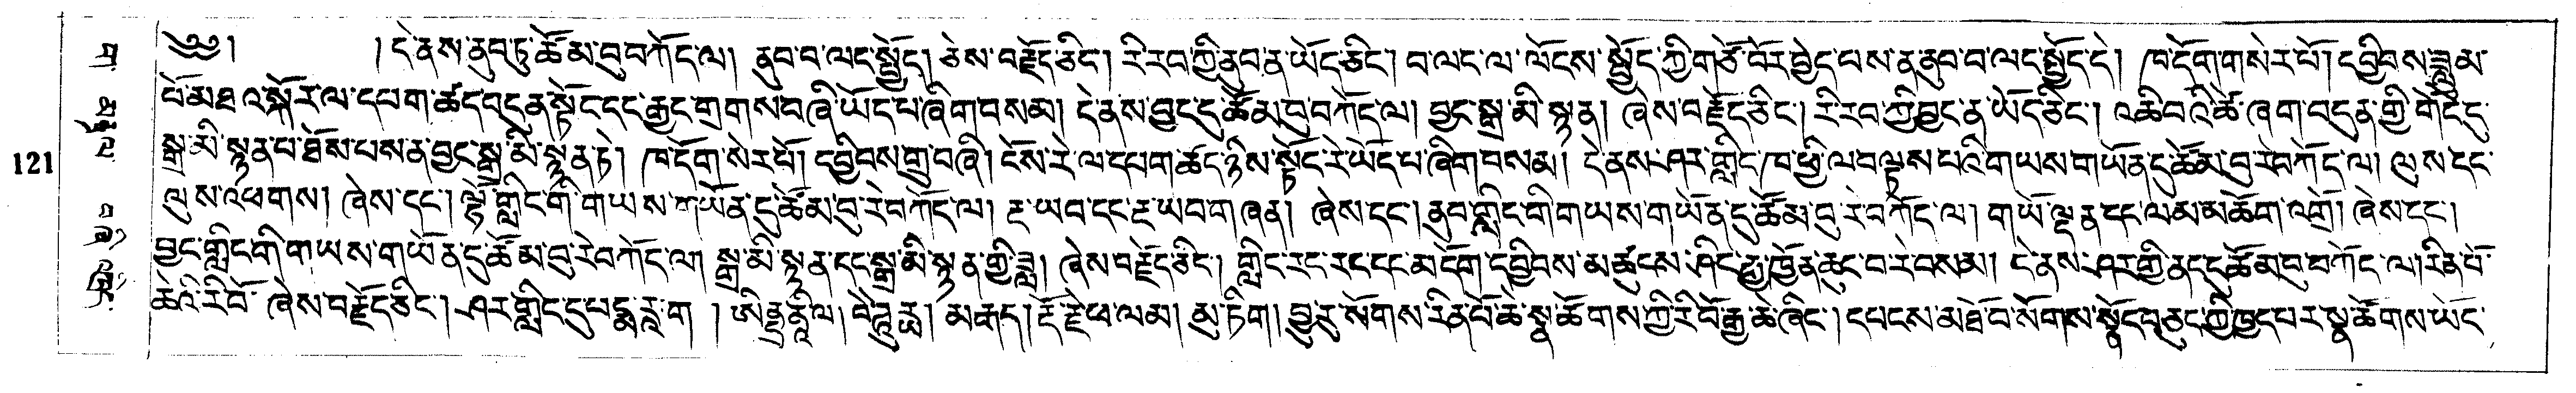༄༅། །དེ་ནས་ནུབ་ཏུ་ཚོམ་བུ་བཀོད་ལ། ནུབ་བ་ལང་སྤྱོད། ཅེས་བརྗོད་ཅིང་། རི་རབ་ཀྱི་ནུབ་ན་ཡོད་ཅིང་། བ་ལང་ལ་ལོངས་སྤྱོད་ཀྱི་གཙོ་བོར་བྱེད་པས་ན་ནུབ་བ་ལང་སྤྱོད་དེ། ཁ་དོག་གསེར་པོ། དབྱིབས་ཟླུམ་
པོ་མཐའ་སྐོར་ལ་དཔག་ཚད་བདུན་སྟོང་དང་རྒྱང་གྲགས་བཞི་ཡོད་པ་ཞིག་བསམ། དེ་ནས་བྱང་དུ་ཚོམ་བུ་བཀོད་ལ། བྱང་སྒྲ་མི་སྙན། ཞེས་བརྗོད་ཅིང་། རི་རབ་ཀྱི་བྱང་ན་ཡོད་ཅིང་། འཆི་བའི་ཚེ་ཞག་བདུན་གྱི་གོང་དུ་
སྒྲ་མི་སྙན་པ་ཐོས་པས་ན་བྱང་སྒྲ་མི་སྙན་ཏེ། ཁ་དོག་སེར་པོ། དབྱིབས་གྲུ་བཞི། ངོས་རེ་ལ་དཔག་ཚད་ཉིས་སྟོང་རེ་ཡོད་པ་ཞིག་བསམ། དེ་ནས་ཤར་གླིང་ཁ་ཕྱི་ལ་བལྟས་པའི་གཡས་གཡོན་དུ་ཚོམ་བུ་རེ་བཀོད་ལ། ལུས་དང་
ལུས་འཕགས། ཞེས་དང་། ལྷོ་གླིང་གི་གཡས་གཡོན་དུ་ཚོམ་བུ་རེ་བཀོད་ལ། རྔ་ཡབ་དང་རྔ་ཡབ་གཞན། ཞེས་དང་། ནུབ་གླིང་གི་གཡས་གཡོན་དུ་ཚོམ་བུ་རེ་བཀོད་ལ། གཡོ་ལྡན་དང་ལམ་མཆོག་འགྲོ། ཞེས་དང་།
བྱང་གླིང་གི་གཡས་གཡོན་དུ་ཚོམ་བུ་རེ་བཀོད་ལ། སྒྲ་མི་སྙན་དང་སྒྲ་མི་སྙན་གྱི་ཟླ། ཞེས་བརྗོད་ཅིང་། གླིང་རང་རང་དང་མདོག་དབྱིབས་མཚུངས་ཤིང་རྒྱ་ཁྱོན་ཆུང་བ་རེ་བསམ། དེ་ནས་ཤར་གྱི་ནང་དུ་ཚོམ་བུ་བཀོད་ལ། རིན་པོ་
ཆེའི་རི་བོ་ཞེས་བརྗོད་ཅིང་། ཤར་གླིང་དུ་པདམ་རཱ་ག །ཨིནྡྲ་ནཱི་ལ། བཻཌཱུརྱ། མརྒད། རྡོ་རྗེ་ཕ་ལམ། མུ་ཏིག །བྱུ་རུ་སོགས་རིན་པོ་ཆེ་སྣ་ཚོགས་ཀྱི་རི་བོ་རྒྱ་ཆེ་ཞིང་། དཔངས་མཐོ་བ་སོགས་སྣོད་བཅུད་ཀྱི་ཁྱད་པར་སྣ་ཚོགས་ཡོད་